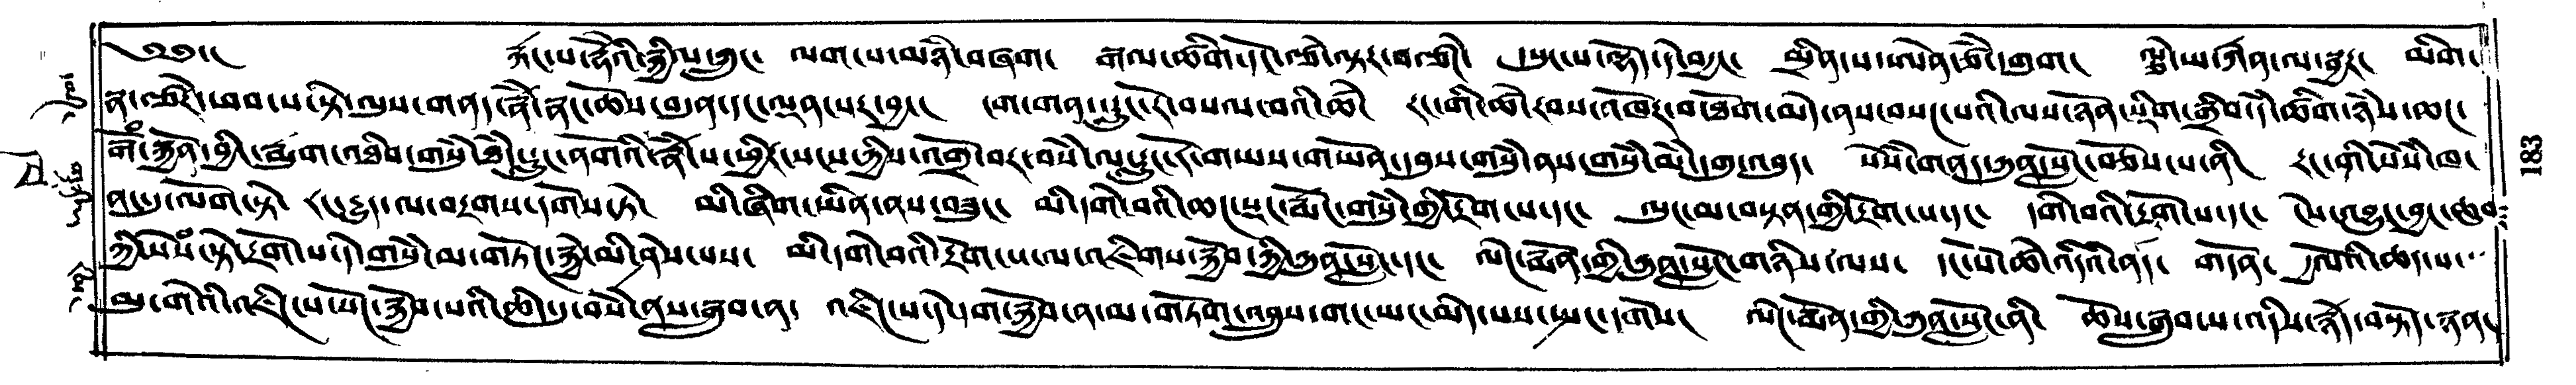རྐང་པ་རྡོ་རྗེའི་སྐྱིལ་ཀྲུང་། ལག་པ་མཉམ་བཞག སྒལ་ཚིགས་དོང་རྩཻ་ལྟར་བརྩེགས། དཔུང་པ་ལྷོད་དེ་བརྒྱང་། མགྲིན་པ་ཨེན་ཙམ་དགུག ལྕེ་ཡ་རྐན་ལ་སྦྱར། མིག་
སྣ་རྩེར་ཕབ་པ་སྟེ་ལུས་གནད་རྣམ་སྣང་ཆོས་བདུན་དང་ལྡན་པར་བྱ། ངག་གནད་རླུང་རོ་བསལ་བའི་ཚེ། རང་གི་ཚེ་རབས་འཁོར་བ་ཐོག་མེད་ནས་བསགས་པའི་ལས་ཉོན་སྡིག་སྒྲིབ་དམ་ཚིག་ཉམས་ཆགས་
སྒོམ་སྐྱོན་བྱིང་རྨུགས་འཐིབ་གསུམ་ཐམས་ཅད་རླུང་ནག་པོའི་རྣམ་པར་ཕྱིར་སངས་ཀྱིས་འགྲོ་བར་བསམ་ལ་རླུང་རོ་གཡས་གཡོན་དབུས་གསུམ་ནས་གསུམ་མམ་དགུ་འབུད།སེམས་གནད་ཀུན་སློང་བཅོས་པ་ནི། རང་གི་སེམས་ཁ་
ནང་དུ་ལོག་ནས། རང་རྒྱུད་ལ་བརྟགས་དགོས་ཏེ། མི་ཞིག་ཡིན་ནས་བཟུང་མི་དགེ་བའི་ཆགས་སྡང་རྨོངས་གསུམ་གྱི་རྟོག་པ་དང་། ལུང་མ་བསྟན་གྱི་རྟོག་པ་དང་། དགེ་བའི་རྟོག་པ། ངེས་འབྱུང་བྱང་ཆུབ་
ཀྱི་སེམས་སྟེ། རྟོག་པ་དེ་གསུམ་མ་གཏོགས་སྐྱེ་མི་ཤེས་པས། མི་དགེ་བའི་རྟོག་པ་ལ་འཇིགས་སྐྱོབ་ཀྱི་ཀུན་སློང་དང་། ལེགས་སྨོན་གྱི་ཀུན་སློང་གཉིས་ལས། དང་པོ་ཚེ་འདིའི་ནད་གདོན། རྒྱལ་པོའི་ཆད་པ་དང་
མུ་གེའི་འཇིགས་པ་སོགས་སྐྱོབ་པའི་ཆེད་དུ་བསམ་ནས་སྒྲུབ་ན། འཇིགས་པ་དེ་དག་སྐྱོབ་ན་མ་གཏོགས་འབྲས་བུ་གང་ཡང་མེད་པས་སྤང་དགོས། ལེགས་སྨོན་གྱི་ཀུན་སློང་ནི། ཆོས་སྒྲུབ་པ་འདི་རྙེད་བསྟོད་སྙན་